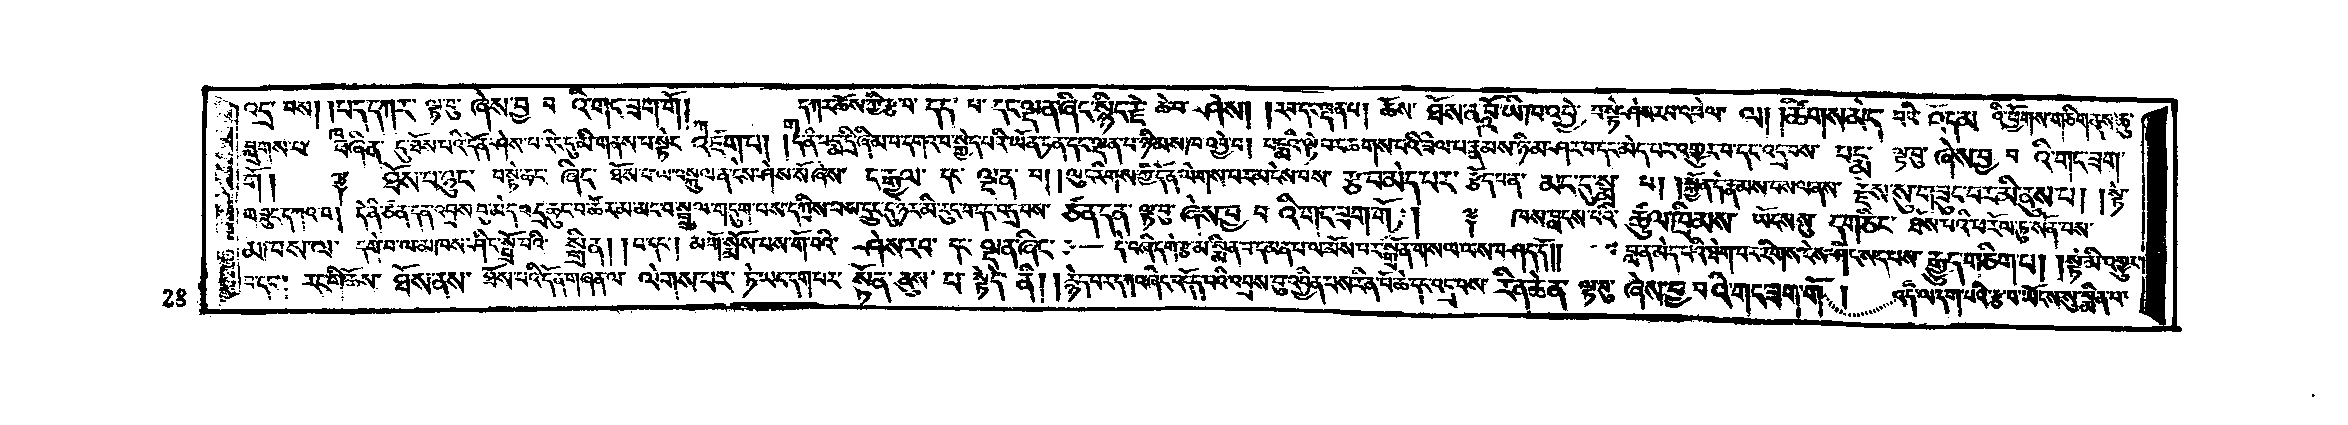འདྲ་བས། །པད་དཀར་ལྟ་བུ་ཞེས་བྱ་བའི་གང་ཟག་གོ ། ༈ དཀར་ཆོས་ཀྱི་རྩ་བ་དད་པ་དང་ལྡན་ཞིང་སྙིང་རྗེ་ཆེ་བ་ཤེས། ། རབ་དང་ལྡན་པ།  ཆོས་ཐོས་ན་བློ་ཡི་ཁ་འབྱེ་བ་སྟེ་ཤེས་རབ་འཕེལ་ལ། །ཚིགས་མེད་པའི་འོད་མའི་ཕྱོགས་གཅིག་ནས་ཆུ་
བླགས་པ་ཁ་བཞིན་དུ་ཐོས་པའི་དོན་ཤེས་པ་རིང་དུ་མི་གནས་པ་སྟེ་ག་འཛག་པ། ། ཀ་དེ་ནི་པདམ་དྲི་ཞིམ་པ་དགའ་བ་སྐྱེད་པའི་ཡོན་ཏན་དང་ལྡན་པ་ཉི་མས་ཁ་འབྱེ་བ། པདམའི་ལྟེ་བར་ཆགས་པའི་ཟིལ་པ་རྣམས་ཉི་མ་ཤར་བ་དང་མེད་པར་འགྱུར་བ་དང་འདྲ་བས་པདམ་ལྟ་བུ་ཞེས་བྱ་བའི་གང་ཟག་
གོ ། ༈ ཐོས་པ་ཉུང་བ་སྟེ་ཆང་ཞིང་ཐོས་པ་ལ་བསྐུལ་ན་ངེས་ཤེས་སོ་ཞེས་ང་རྒྱལ་དང་ལྡན་པ། །ལུང་རིགས་ཀྱི་དོན་ལེགས་པར་མ་ངེས་པས་རྩ་བ་མེད་པར་རྩོད་པ་ན་མང་དུ་སྨྲ་བ། ། སྐྱོན་དེ་རྣམས་བསལ་ནས་རྗེས་སུ་གཟུང་བར་མི་ནུས་པ། །སྟེ་
གཟུང་དཀའ་བ། དེ་ནི་ཙན་དན་འབྲས་བུ་མེད་པ་དྲ་ཆུང་བ་ཚེར་མ་མང་བ་སྦྲུལ་གདུག་པས་དཀྲིས་པས་དྲུང་དུ་ཉེར་མི་རུང་བ། དང་འདྲ་བས་ཙན་དན་ལྟ་བུ་ཞེས་བྱ་བའི་གཟང་ཟག་གོ ། ༈ ཁས་བླངས་པའི་ཚུལ་ཁྲིམས་ཡོངས་སུ་དག་ཅིངས་ཐོས་པའི་ཕ་རོལ་ཏུ་སོན་པས
མཁས་ལ་དགེ་བ་ལ་མཁས་ཤིང་སྤྲོ་བའི་སྒྲིན། ། པ་དང་། མགོ་སྨོས་པས་གོ་བའི་ཤེས་རབ་དང་ལྡན་ཞིངཿ་དེ་བཞིན་དགེ་རྩ་མ་སྨིན་པ་དམན་པ་ལ་མོས་པར་སྒྲོན་གསལ་ལས་བཤད་དོ།། .Hབླ་ན་མེད་པའི་ཐེག་པར་རིགས་ངེས་ཤིང་སད་པས་རྒྱུད་གཅིག་པ། །སྟེ་མི་འགྱུར་
བ་དང་། རང་གི་ཆོས་ཐོས་ནས་ཐོས་པའི་དོན་གཞན་ལ་ལེགས་པར་ཏེ་ཡང་དག་པར་སྟོན་ནུས་པ་སྟེ་དེ་ནི། ། རྙེད་པར་དཀའ་ཞིང་འདོད་པའི་འབྲས་བུ་འབྱིན་པས་རིན་པོ་ཆེ་དང་འདྲ་བས་རིན་ཆེན་ལྟ་བུ་ཞེས་བྱ་བའི་གང་ཟག་གོ ། འདི་ལ་དག་པའི་རྩ་བ་ཡོངས་སུ་སྨིན་པ་